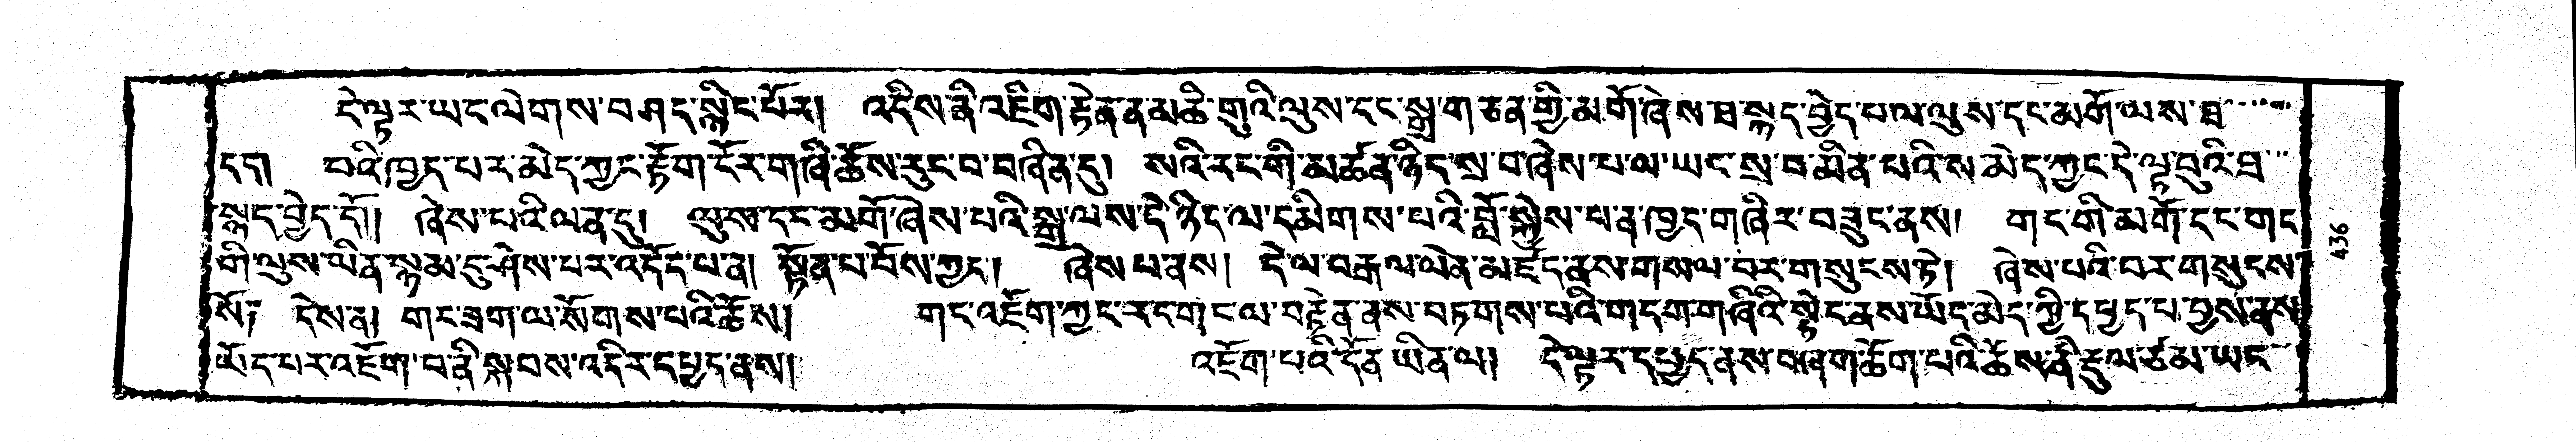དེ་ལྟར་ཡང་ལེགས་བཤད་སྙིང་པོར། འདིས་ནི་འཇིག་རྟེན་ན་མཆི་གུའི་ལུས་དང་སྒྲ་གཅན་གྱི་མགོ་ཞེས་ཐ་སྙད་བྱེད་པ་ལ་ལུས་དང་མགོ་ལས་ཐ་
དད། པའི་ཁྱད་པར་མེད་ཀྱང་རྟོག་ངོར་གཞི་ཆོས་རུང་བ་བཞིན་དུ། སའི་རང་གི་མཚན་ཉིད་སྲ་བ་ཞེས་པ་ལ་ཡང་སྲ་བ་མིན་པའི་ས་མེད་ཀྱང་དེ་ལྟ་བུའི་ཐ་
སྙད་བྱེད་དོ། །ཞེས་པའི་ལན་དུ། ལུས་དང་མགོ་ཞེས་པའི་སྒྲ་ལས་དེ་ཉིད་ལ་དམིགས་པའི་བློ་སྐྱེས་པ་ན་ཁྱད་གཞིར་བཟུང་ནས། གང་གི་མགོ་དང་གང་
གི་ལུས་ཡིན་སྙམ་དུ་ཤེས་པར་འདོད་པ་ན། སྟོན་པ་པོས་ཀྱང་། ཞེས་པ་ནས། དེ་ལ་བརྒལ་ལེན་མཛད་ནས་གསལ་བར་གསུངས་ཏེ། ཞེས་པའི་བར་གསུངས་
སོ༑ དེས་ན། གང་ཟག་ལ་སོགས་པའི་ཆོས། གང་འཇོག་ཀྱང་རང་གང་ལ་བརྟེན་ནས་བཏགས་པའི་གདག་གཞིའི་སྟེང་ནས་ཡོད་མེད་ཀྱི་དཔྱད་པ་བྱས་ནས་
ཡོད་པར་འཇོག་པ་ནི་སྐབས་འདིར་དཔྱད་ནས། འཇོག་པའི་དོན་ཡིན་ལ། དེ་ལྟར་དཔྱད་ནས་བཞག་ཆོག་པའི་ཆོས་ནི་རྡུལ་ཙམ་ཡང་